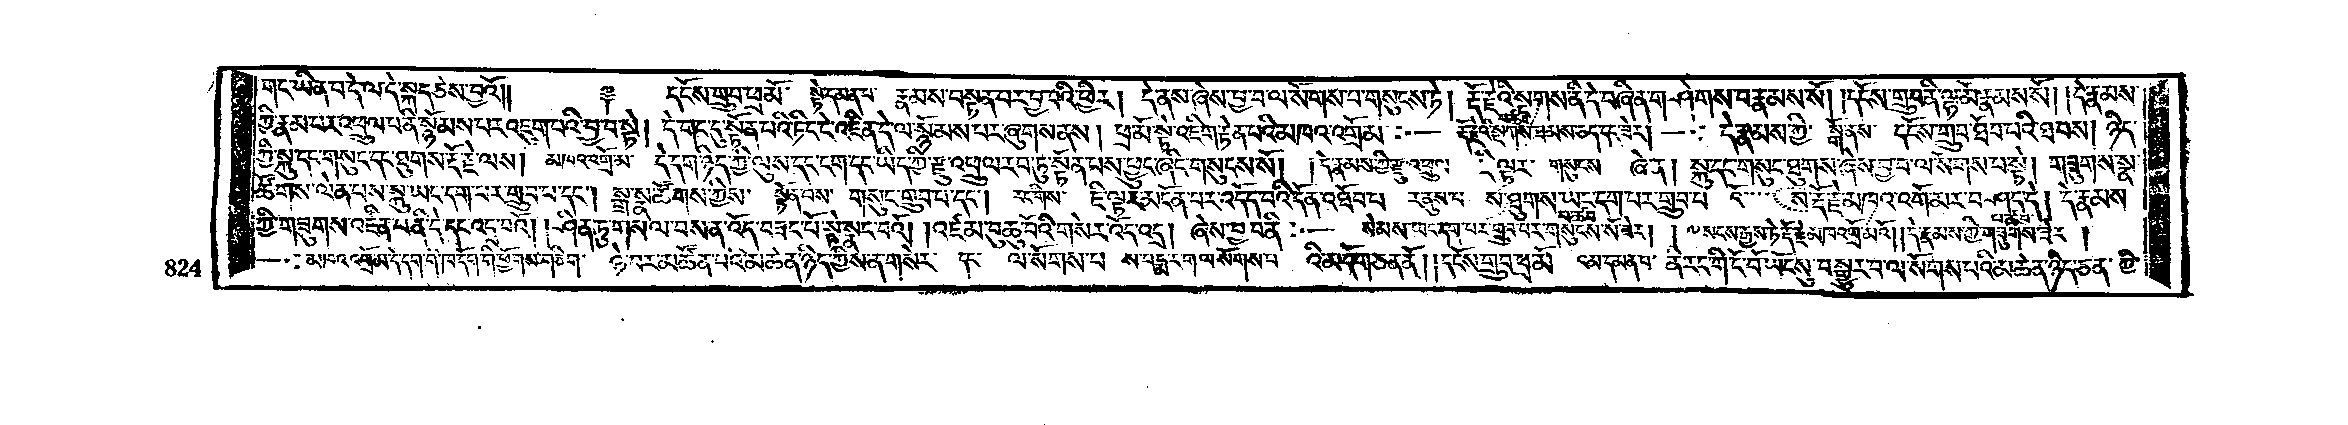གང་ཡིན་པ་དེ་ལ་དེ་སྐད་ཅེས་བྱའོ།། ༈ དངོས་གྲུབ་ཕྲ་མོ་སྟེ་དམན་པ་རྣམས་བསྟན་པར་བྱ་བའི་ཕྱིར། དེ་ནས་ཞེས་བྱ་བ་ལ་སོགས་པ་གསུངས་ཏེ། རྡོ་རྗེའི་སྔགས་ནི་དེ་བཞིན་གཤེགས་པ་རྣམས་སོ། །དངོས་གྲུབ་ནི་ལྷ་མོ་རྣམས་སོ། །དེ་རྣམས་
ཀྱི་རྣམ་པར་འཕྲུལ་པ་ནི་སྙོམས་པར་འཇུག་པའི་བྱ་བ་སྟེ། དེ་གང་དུ་སྟོན་པའི་ཏིང་ངེ་འཛིན་དེ་ལ་སྙོམས་པར་ཞུགས་ནས། ཕྲ་མོ་སྟེ་འཇིག་རྟེན་པའི་མཁའ་འགྲོ་མཿ་རྡོ་རྗེའི་སྔགས་པ་ཚབ་ཐམས་ཅད་དང་ཟེར། .H དེ་རྣམས་ཀྱི་སྒོ་ནས་དངོས་གྲུབ་ཐོབ་པའི་ཐབས། ཉིད་
ཀྱི་སྐུ་དང་གསུང་དང་ཐུགས་རྡོ་རྗེ་ལས། མཁའ་འགྲོ་མ་དེ་དག་ཉིད་ཀྱི་ལུས་དང་ངག་དང་ཡིད་ཀྱི་རྫུ་འཕྲུལ་རབ་ཏུ་སྟོན་པས་ཕྱུང་ཞིང་གསུངས་སོ། ། དེ་རྣམས་ཀྱི་རྫུ་འཕྲུལ་ཇི་ལྟར་གསུངས་ཞེ་ན། སྐུ་དང་གསུང་ཐུགས་ཞེས་བྱ་བ་ལ་སོགས་པ་སྟེ། གཟུགས་སྣ་
ཚོགས་ལེན་པས་སྐུ་ཡང་དག་པར་གྲུབ་པ་དང་། སྒྲ་སྣ་ཚོགས་ཀྱིས་སྟོན་པས་གསུང་གྲུབ་པ་དང་། རང་གིས་ཇི་ལྟར་མངོན་པར་འདོད་པའི་དོན་འཐོབ་པར་ནུས་པས་ཐུགས་ཡང་དག་པར་གྲུབ་པའོ་ས་རྡོ་རྗེ་མཁའ་འགྲོ་མར་བཤད་དེ། དེ་རྣམས་
ཀྱི་གཟུགས་འཛིན་པ་ནི་དེ་དང་འདྲ་བའོ། །ཤིན་ཏུ་གསལ་བས་ན་འོད་བཟང་པོ་སྟེ་སྣང་བའོ། །འཛམ་བུ་ཆུ་བོའི་གསེར་འོད་འདྲ། ཞེས་བྱ་བ་ནིཿ་སེམས་ཡང་དག་པར་གྲུབ་པར་གསུངས་པ་ཚབ་སོ་ཟེར། །༧་སངས་རྒྱས་ཏེ་རྡོ་རྗེ་མཁའ་འགྲོ་མའོ། །དེ་རྣམས་ཀྱི་གཟུགས་ཟེར་པ་ཚབ།
.H མཁའ་འགྲོ་མ་དེ་དག་གི་ཁ་དོག་གི་ཕྱོགས་གཅིག་ཉེ་བར་མཚོན་པའི་མཚན་ཉིད་ཀྱིས་ན་གསེར་དང་ལ་སོགས་པས་པདམ་ར་ག་ལ་སོགས་པའི་མདོག་ཅན་ནོ། །དངོས་གྲུབ་ཕྲ་མོའམ་དམན་པ་ནི་རང་གི་ངོ་བོ་ཡོངས་སུ་བསྒྱུར་བ་ལ་སོགས་པའི་མཚན་ཉིད་ཅན་གྱི་